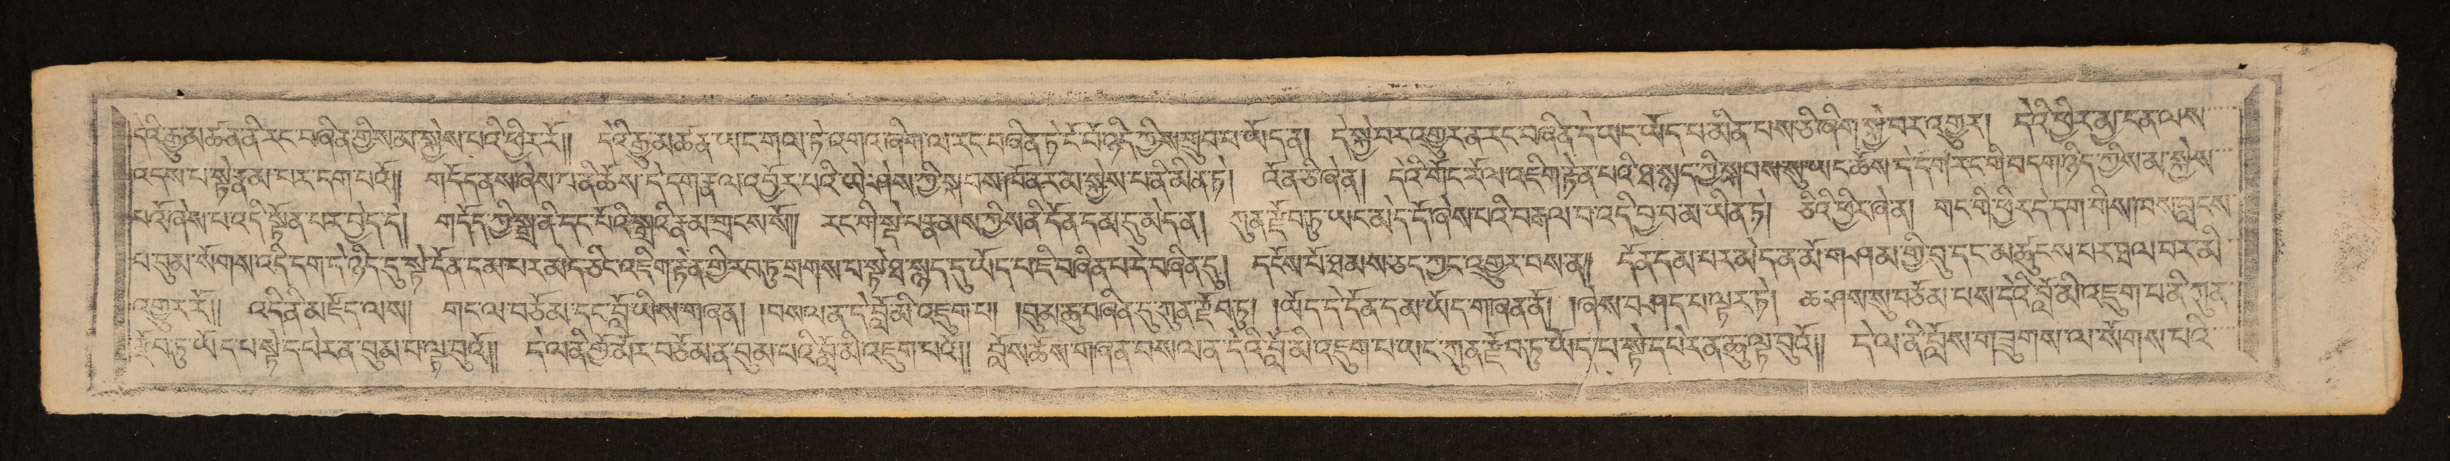དེའི་རྒྱུ་མཚན་ནི་རང་བཞིན་གྱིས་མ་སྐྱེས་པའི་ཕྱིར་རོ།། དེའི་རྒྱུ་མཚན་ཡང་གལ་ཏེ་འགའ་ཞིག་ལ་རང་བཞིན་ཏེ་ངོ་བོ་ཉིད་ཀྱིས་གྲུབ་པ་ཡོད་ན། དེ་སྐྱེ་བར་འགྱུར་ན་རང་བཞིན་དེ་ཡང་ཡོད་པ་མིན་པས་ཅི་ཞིག་སྐྱེ་བར་འགྱུར། དེའི་ཕྱིར་མྱ་ངན་ལས་
འདས་པ་སྟེ་རྣམ་པར་དག་པའོ།། གདོད་ནས་ཞེས་པ་ནི་ཆོས་དེ་དག་རྣལ་འབྱོར་པའི་ཡེ་ཤེས་ཀྱི་སྐབས་ཁོ་ནར་མ་སྐྱེས་པ་ནི་མིན་ཏེ། འོ་ན་ཅི་ཞེ་ན། དེའི་གོང་རོལ་འཇིག་རྟེན་པའི་ཐ་སྙད་ཀྱི་སྐབས་སུ་ཡང་ཆོས་དེ་དག་རང་གི་བདག་ཉིད་ཀྱིས་མ་སྐྱེས་
པའོ་ཞེས་པ་འདི་སྟོན་པར་བྱེད་དེ། གདོད་ཀྱི་སྒྲ་ནི་དང་པོའི་སྒྲའི་རྣམ་གྲངས་སོ།། རང་གི་སྡེ་པ་རྣམས་ཀྱིས་ནི་དོན་དམ་དུ་མེད་ན། ཀུན་རྫོབ་ཏུ་ཡང་མེད་དོ་ཞེས་པའི་བརྒལ་བ་འདི་བྱ་བ་མ་ཡིན་ཏེ། ཅིའི་ཕྱིར་ཞེ་ན། གང་གི་ཕྱིར་དེ་དག་གིས་ཁས་བླངས་
པ་བུམ་སོགས་འདི་དག་དེ་ཉིད་དུ་སྟེ་དོན་དམ་པར་མེད་ཅིང་འཇིག་རྟེན་གྱི་རབ་ཏུ་གྲགས་པ་སྟེ་ཐ་སྙད་དུ་ཡོད་པ་ཇི་བཞིན་པ་དེ་བཞིན་དུ། དངོས་པོ་ཐམས་ཅད་ཀྱང་འགྱུར་བས་ན། དོན་དམ་པར་མེད་ན་མོ་གཤམ་གྱི་བུ་དང་ཚུངས་པར་ཐལ་བར་མི་
འགྱུར་རོ།། འདི་ནི་མཛོད་ལས། གང་ལ་བཅོམ་དང་བློ་ཡིས་གཞན། །བསལ་ན་དེ་བློ་མི་འཇུག་པ། །བུམ་ཆུ་བཞིན་དུ་ཀུན་རྫོབ་ཏུ། །ཡོད་དེ་དོན་དམ་ཡོད་གཞན་ནོ། །ཞེས་བཤད་པ་ལྟར་ཏེ། ཆ་ཤས་སུ་བཅོམ་པས་དེའི་བློ་མི་འཇུག་པའི་ཀུན་
རྫོབ་ཏུ་ཡོད་པ་སྟེ་དཔེར་ན་བུམ་པ་ལྟ་བུའོ།། དེ་ལ་ནི་གྱོ་མོར་བཅོམ་ན་བུམ་པའི་བློ་མི་འཇུག་པའོ།། བློས་ཆོས་གཞན་བསལ་ན་དེའི་བློ་མི་འཇུག་པ་ཡང་ཀུན་རྫོབ་ཏུ་ཡོད་པ་སྟེ་དཔེར་ན་ཆུ་ལྟ་བུའོ།། དེ་ལ་ནི་བློས་གཟུགས་ལ་སོགས་པའི་